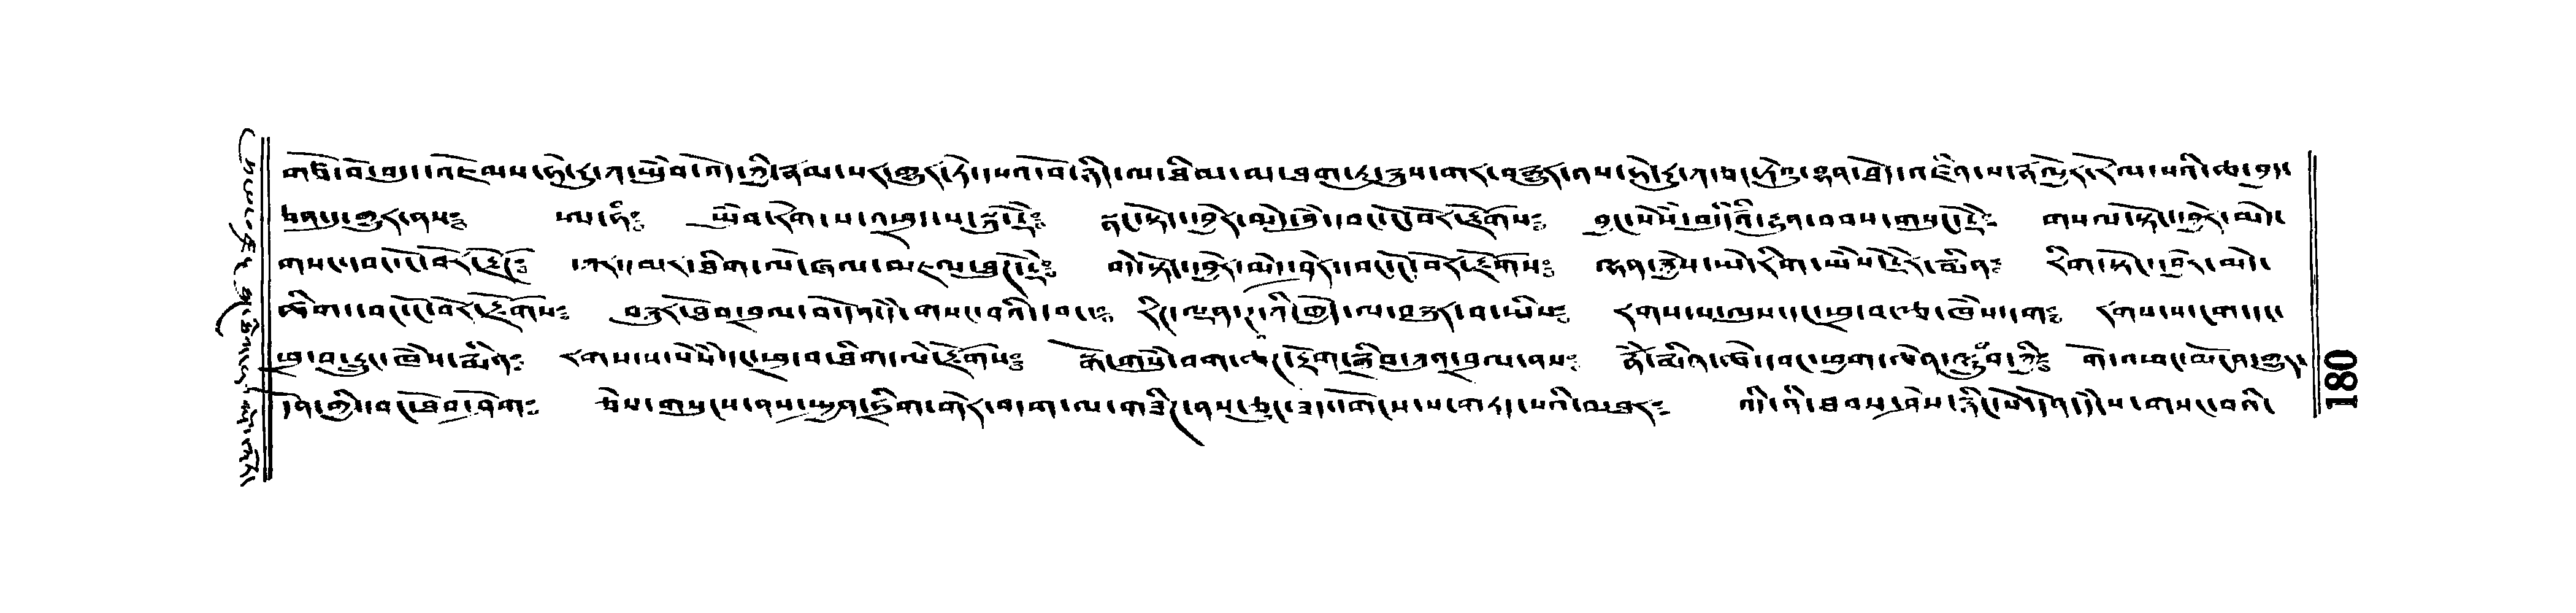གཙོ་བོ་བདུད་འཇོམས་ཧེ་རུ་ཀ་ཡབ་ཡུམ་འོད་ཀྱི་རྣམ་པར་གྱུར་ཏེ་དཔའ་བོ་ཉིད་ལ་ཐིམ་མ་ཐག་ཏུ་སྐུས་གར་བསྒྱུར་ནས་ཧེ་རུ་ཀ་ཅད་ཏེའུ་བྷན་ཐོད་འཛིན་པ་རྣལ་འབྱོར་རོལ་པའི་ཆ་བྱད་
ཅན་དུ་གྱུར་ནས༔ ཨ་ཧཾ༔ ཡབ་ཡུམ་རེག་པ་འཕྲད་པ་སྐུ་རྡོ་རྗེ༔ སྣང་སྟོང་དབྱེར་མེད་བུམ་དབང་ངོ་བོར་རྫོགས༔ བྱང་སེམས་བདུད་རྩིའི་རྒྱུན་བབས་གསུང་རྡོ་རྗེ༔ གསལ་སྟོང་དབྱེར་མེད་
གསང་དབང་ངོ་བོར་རྫོགས༔དཀར་དམར་ཐིག་ལེ་ཞལ་མཇལ་ཐུགས་རྡོ་རྗེ༔ བདེ་སྟོང་དབྱེར་མེད་ཤེར་དབང་ངོ་བོར་རྫོགས༔ ལྷན་སྐྱེས་ཡེ་རིག་ཡེ་ཤེས་རྡོ་རྗཻར་སྨིན༔ རིག་སྟོང་དབྱེར་མེད་
ཚིག་དབང་ངོ་བོར་རྫོགས༔ བསྐུར་ཐོབ་བྲལ་བ་དོན་དམ་གསང་བའི་དབང༔ རིགས་ལྡན་ཌཱ་ཀི་ཁྱོད་ལ་བསྐུར་བ་ཡིས༔ རགས་པ་ལུས་དང་ཕྲ་བ་རྩ་ཁམས་དག༔ རགས་པ་ངག་དང་
ཕྲ་བ་རླུང་ཁམས་སྨིན༔ རགས་པ་སེམས་དང་ཕྲ་བ་ཐིག་ལེ་རྫོགས༔ སྒོ་གསུམ་བག་ཆགས་རྟོག་སྒྲིབ་ཀུན་བྲལ་ནས༔ རྣམ་སྨིན་ཚེ་དབང་ཕྱག་ཆེན་ལྷུན་གྲུབ་ཀྱི༔ གོ་འཕང་མངོན་གྱུར་
དོན་གྱི་དབང་ཐོབ་ཤོག༔ ཅེས་གསུངས་ནས་སྤྱན་ཧྲིག་གེར་བདག་ལ་གཟིགས་ནས་ཅུང་ཟད་དགོངས་པ་གཏད་པའི་མཐར༔ འདི་ནི་ཐབས་ཤེས་སྙིང་པོ་དོན་དམ་པ་གསང་བའི་